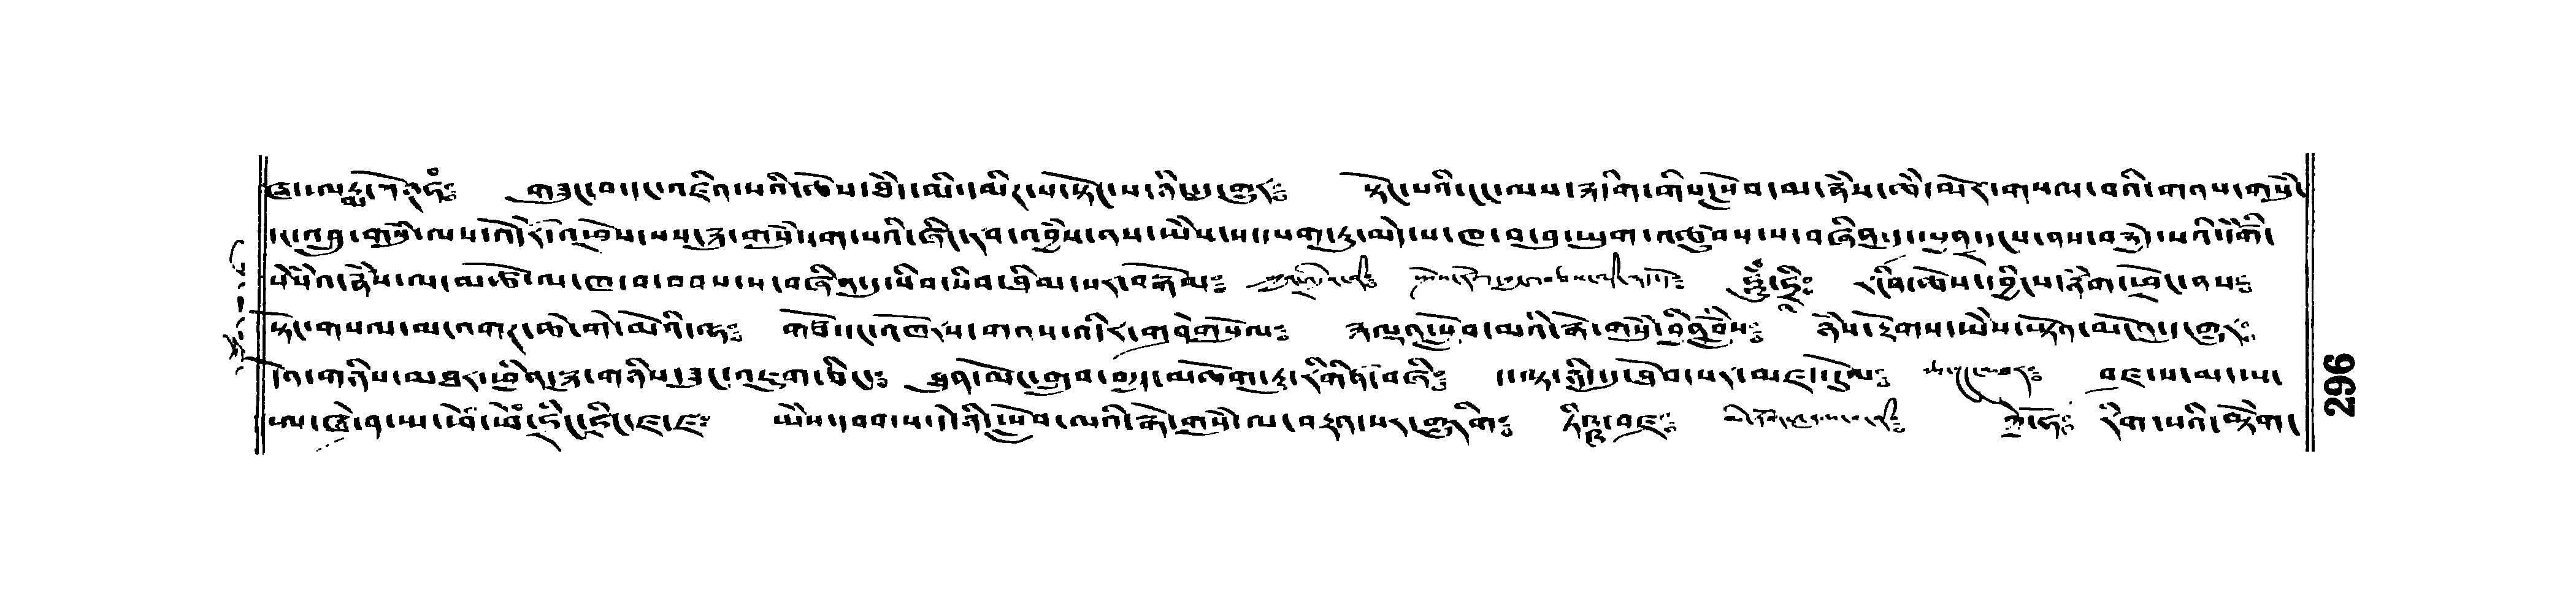ཝ་ཨཏྨ་ཀོ྅ཧཾཿ གཟུང་བ་དང་འཛིན་པའི་ཆོས་ཐམས་ཅད་མི་དམིགས་པ་སྟོང་པ་ཉིད་དུ་གྱུར༔ སྟོང་པའི་ངང་ལས་སྐད་ཅིག་གིས་སློབ་མ་རྣམས་ཆམ་མེར་གསལ་བའི་གནས་གསུམ་
དང་འབྲུ་གསུམ་ལས་འོད་ཟེར་འཕྲོས་པས་སྐུ་གསུམ་དག་པའི་ཞིང་རབ་འབྱམས་ནས་ཡེ་ཤེས་པ་དཔག་ཏུ་མེད་པ་ཁ་བ་བུ་ཡུག་འཚུབས་པ་བཞིན་དུ་སྤྱན་དྲངས་ནས་བསྐྱེད་པའི་དམ་ཚིག་
སེམས་དཔའ་རྣམས་ལ་མཚོ་ལ་ཁ་བ་བབས་པ་བཞིན་དུ་སིབ་སིབ་ཐིམ་པར་བསྒོམ༔ སྤྱན་འདྲེན་ནི༔ སྤོས་རོལ་དབྱངས་བཅས་འདི་སྐད་དོ༔ ཧཱུྃ་ཧྲཱིཿ རང་བཞིན་ཆོས་དབྱིངས་རྣམ་དག་ཕོ་བྲང་ནས༔ 
སྟོང་གསལ་མ་འགགས་ཆེ་གེ་མོའི་ལྷ༔ གཙོ་དང་འཁོར་འདས་གནས་འདིར་གཤེགས་སུ་གསོལ༔ སྐལ་ལྡན་སློབ་མའི་སྒོ་གསུམ་བྱིན་གྱིས་རློབས༔ ཉམས་རྟོགས་ཡེ་ཤེས་ཡོན་ཏན་མངོན་དུ་གྱུར༔ 
དོན་གཉིས་མཐར་ཕྱིན་སྐུ་གཉིས་ཟུང་འཇུག་ཅིང༔ ཐུན་མོང་གྲུབ་བརྒྱད་མཆོག་ཏུ་རིག་འཛིན་བཞི༔ ད་ལྟར་ཉིད་དུ་ཐོབ་པར་མཛད་དུ་གསོལ༔ རྩ་སྔགས་མཐར༔ བཛྲ་ས་མ་ཡ་
ཨ་ཝེ་ཤ་ཡ་ཕེཾ་ཕེཾ་ཧྲིང་ཧྲིང་ཛ་ཛ༔ ཡེ་ཤེས་དབབ་པ་དེ་ཉིད་སློབ་མའི་སྒོ་གསུམ་ལ་བརྟན་པར་གྱུར་ཅིག༔ ཏིཥྛ་བཛྲ༔ མེ་ཏོག་འབུལ་པ་ནི༔ ཀྱེ་ཧོཿ རིག་པའི་མེ་ཏོག་